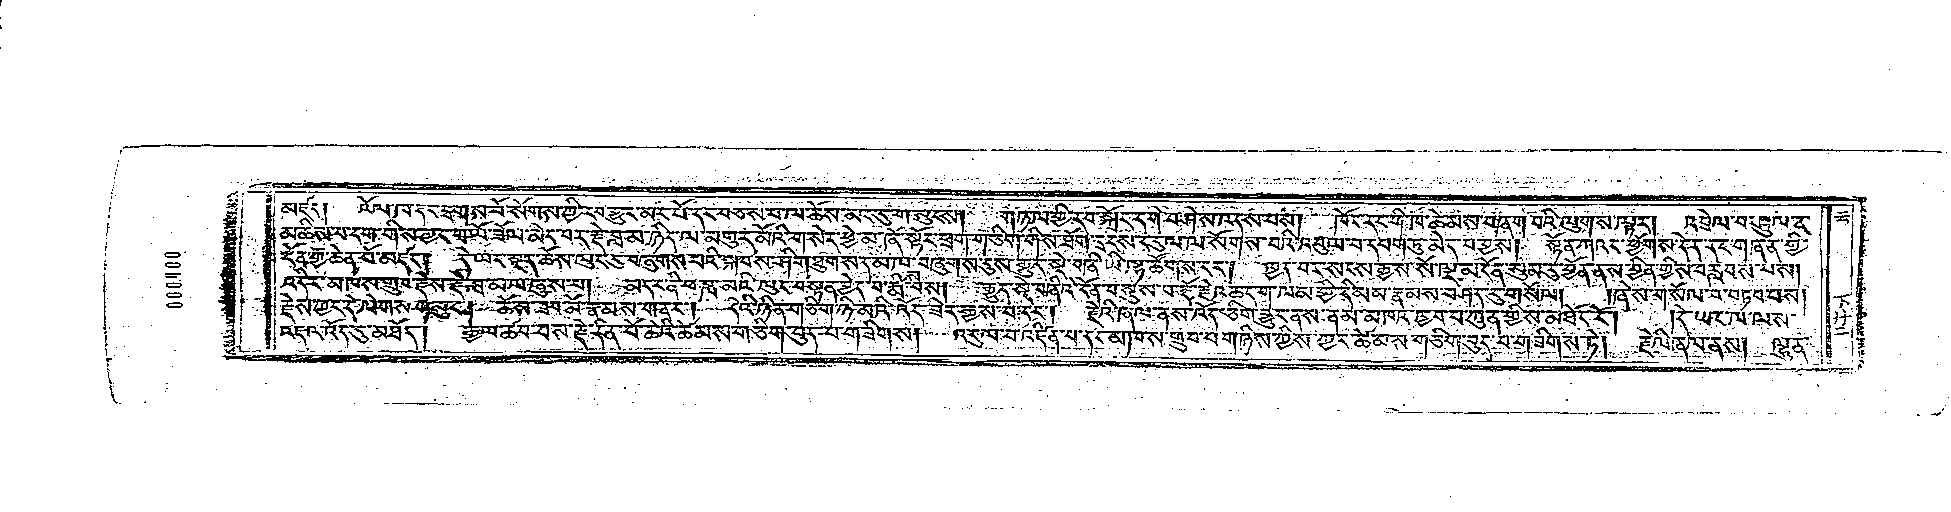མཛད། འོལ་ཁ་དང་དྭགས་པོ་སོགས་ཀྱི་རབ་བྱུང་མང་པོ་དང་བཅས་པ་ལ་ཆོས་མང་དུ་གསུངས། གཉལ་གྱི་རབ་སྐྲོང་དགེ་བཤེས་འདས་པས། ཁོང་རང་གི་ཁ་ཆེམས་བཞག་བའི་ལུགས་ལྟར། འབྲེལ་བ་ཤུལ་ན་
མཆིས་པ་དག་གིས་ཀྱང་གཡོ་ཟོལ་མེད་པར་རྗེ་བླ་མ་ཉིད་ལ་མགུར་མོའི་གསེར་ཕྱེ་མ་ཞོ་སྟོང་ཕྲག་གཅིག་གིས་ཐོག་དྲངས་དངུལ་ལ་སོགས་པའི་འབུལ་བ་དཔག་ཏུ་མེད་པ་བྱས། སྟོན་ཀའང་ཕྱོགས་དེར་རང་གཞན་གྱི་
དོན་རྒྱ་ཆེན་བོ་མཛད། དེ་ཡང་སྔར་ཆོས་ལུང་དུ་བཞུགས་པའི་སྐབས་ཤིག་ཐུགས་དམ་ལ་བཞུགས་དུས་རྒྱུད་སྡེ་བཞི་ཡི་ལྷ་ཚོགས་དང་། ཁྱད་པར་སངས་རྒྱས་སོ་ལྔ་མངོན་སུམ་དུ་བྱོན་ནས་བྱིན་གྱིས་བརླབས་པས།
འདིར་མཁས་གྲུབ་རྗེས་རྗེ་བླ་མ་ལ་ཞུས་པ། མདང་ནི་ཕ་བླ་མའི་ལུང་བསྟན་བྱེད་བ་རྨིས་བས། རྒྱུད་སྡེ་བཞིའི་དོན་བསྡུས་བ་རྡོ་རྗེ་འཆང་གི་ལམ་གྱི་རིམ་པ་རྣམས་བཤད་དུ་གསོལ། །ཞེས་གསོལ་བ་བཏབ་པས།
རྗེས་ཀྱང་དེ་ལེགས་གསུང་། ཆོས་ཟབ་མོ་རྣམས་གནང་། དེའི་ཉིན་གཅིག་ཉི་མའི་འོད་ཟེར་རྒྱས་པ་དང་། རྗེའི་ཞལ་ནས་འོད་ཅིག་བྱུང་ནས་ནམ་མཁའ་ཁྱབ་པ་ཀུན་གྱིས་མཐོང་ངོ། །དེ་ཡང་ལ་ལས་
འཇའ་འོད་དུ་མཐོང་། རྒྱལ་ཚབ་བས་རྗེ་རིན་པོ་ཆེའི་ཚེམས་གཅིག་.བུད་པ་གཟིགས། འདུལ་བ་འཛིན་པ་དང་མཁམ་གྲུབ་པ་གཉིས་ཀྱིས་ཀྱང་ཚེམས་གཅིག་དུད་པ་གཟིགས་ཏེ། རྗེའི་ཞལ་ནས། ལྷུན་